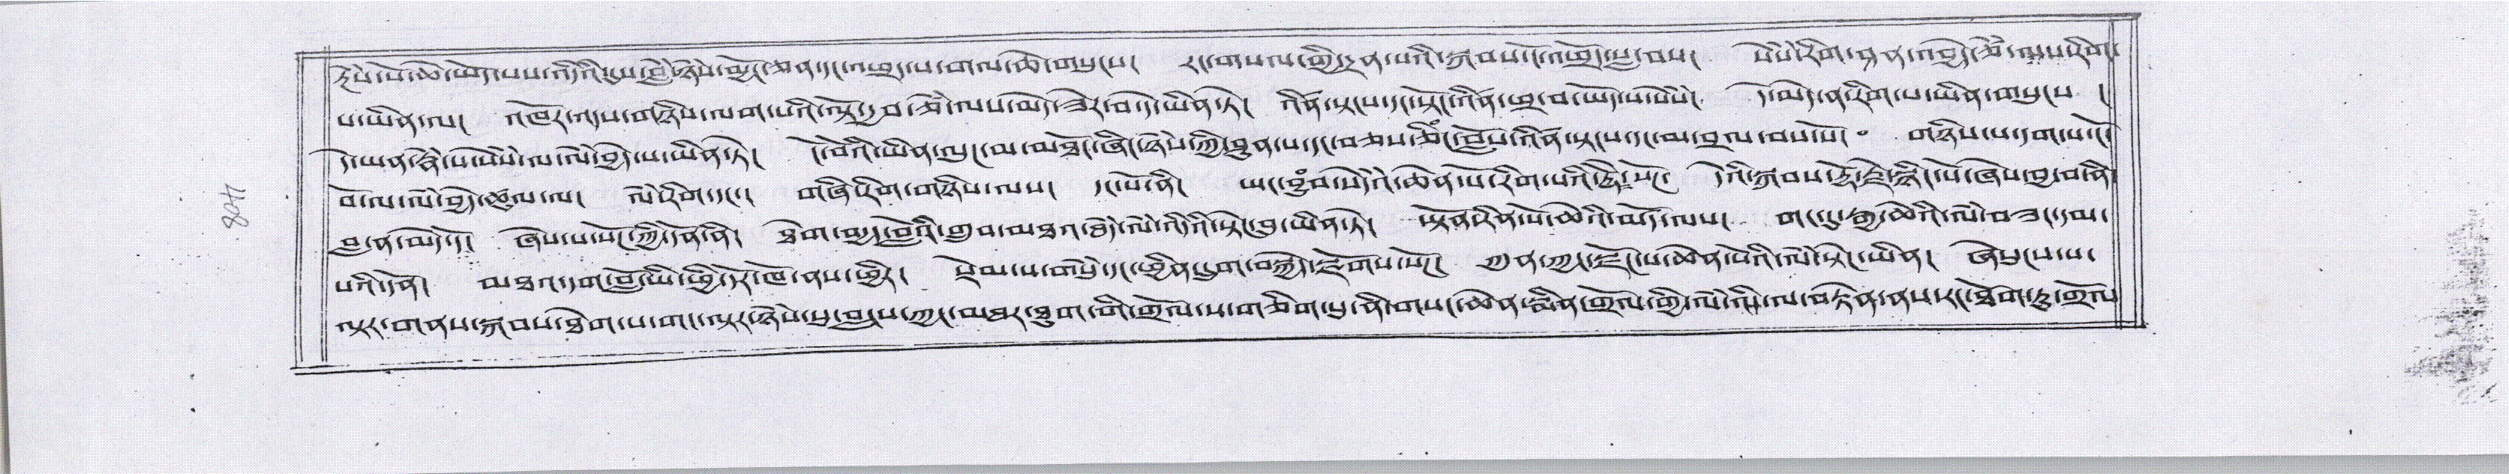རྔམས་པོ་ཆེ་ཡོད་པས་འདིའི་དུས་བླ་མ་ཉམས་མྱོང་ཅན་དང་འཕྲད་པ་གལ་ཆེ་གསུངས། རང་གསལ་གྱི་དྲན་པའི་སྐབས་ངོ་འཕྲོད་སླ་བས། སེམས་རིག་ཤན་འབྱེད་ཙམ་ལས་རིག་
པ་ཡིན་ལ། འཁོར་འདས་གཉིས་ལག་པའི་ལྟོ་རྒྱབ་ཙམ་ལས་མེད་ཟེར་བ་དེ་ཡིན་ཏེ། འཛིན་སྟངས་དང་སྟོང་འཛིན་ཕྲ་བ་ཡོད་པ་སེམས། དེ་མེད་ན་རིག་པ་ཡིན་གསུངས། 
དེ་ཡན་རྣམ་པ་སེམས་ལ་ལམ་བྱེད་པ་ཡིན་ཏེ། ངོ་བོའི་ཡིན་ལུགས་མ་མཐོང་ཞིང་ཉམས་ཀྱི་ཤུན་པ་དང་བཅས་༼༽ཅིང་བློས་འཛིན་སྟངས་དང་མ་བྲལ་བས་སོ། ༧ གཉིས་པ་དག་པོ་ངོ་
བོ་ལ་ལམ་བྱེད་ཚུལ་ལ། ལམ་རིག་དང་། གཞི་རིག་གཉིས་ལས། དང་པོ་ནི། ཡང་བྱང་ཆུབ་སེམས་དཔའ་ཆེན་པོ་རིག་པའི་རྡོ་རྗེ་སོགས་དེའི་སྐབས་རྡོ་རྗེ་སྙིང་པོ་ཞེས་བྱ་བ་ནི་
བླ་ན་མེད་དོ། ཞེས་པ་སོགས་ཀྱི་དོན་ནི། ཐེག་བརྒྱད་བློ་ཡི་གྲུབ་མཐའ་ཐམས་ཅད་ལམ་འདིའི་སྟེགས་བུ་ཡིན་ཏེ། ཡོན་ཏན་རིན་པོ་ཆེའི་མཛོད་ལས། གང་དུ་རྒྱ་ཆེའི་ལམ་བཟང་དམ་
པའི་དོན། མཐའ་དག་བློ་ཡི་བྱི་དོར་ཁོ་ནའི་ཕྱིར། སྡོམ་པ་གསུམ་དང་ཕྱིན་དྲུག་བསྐྱེད་རྫོགས་སོགས། ཀུན་ཀྱང་རྫོགས་པ་ཆེན་པོའི་ལམ་སྟེགས་ཡིན། ཞེས་གསུངས་པ་
ལྟར་གནས་སྐབས་ཐེག་པ་གང་ལྟར་ཉམས་སུ་བླངས་ཀྱང་མཐར་ཐུག་གི་གྲོལ་ས་གཅིག་པུ་ནི་གསང་ཆེན་སྨིན་གྲོལ་གྱི་ལམ་འདི་ལ་བརྟེན་ནས་རང་ཐོག་ཏུ་གྲོལ་